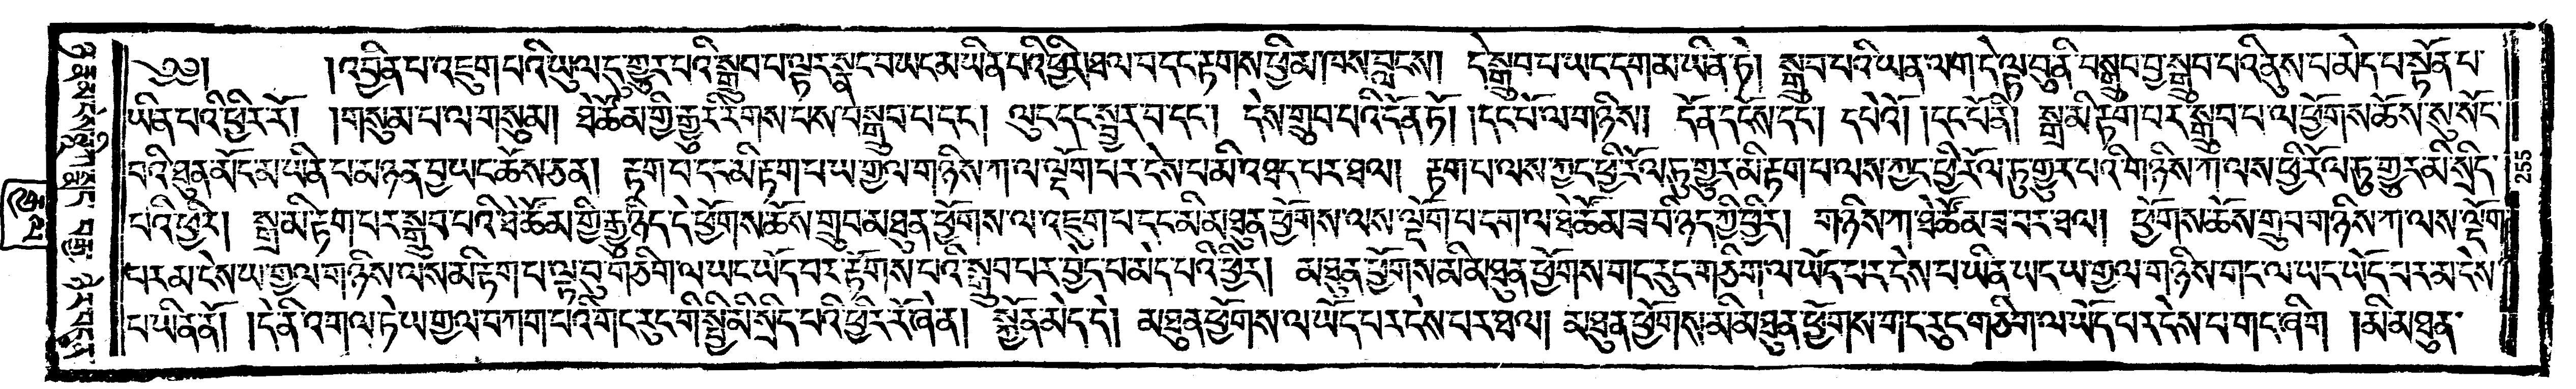༄༅། །འབྱིན་པ་འཇུག་པའི་ཡུལ་དུ་གྱུར་པའི་སྒྲུབ་པ་ལྟར་སྣང་བ་ཡང་མ་ཡིན་པའི་ཕྱིར། ཐལ་བ་དང་རྟགས་ཕྱི་མ་ཁས་བླངས། དེ་སྒྲུབ་པ་ཡང་དག་མ་ཡིན་ཏེ། སྒྲུབ་པའི་ཡན་ལག་དེ་ལྟ་བུ་ནི་བསྒྲུབ་བྱ་སྒྲུབ་པའི་ནུས་པ་མེད་པ་སྟོན་པ་
ཡིན་པའི་ཕྱིར་རོ། །གསུམ་པ་ལ་གསུམ། ཐེ་ཚོམ་གྱི་རྒྱུར་རིགས་པས་བསྒྲུབ་པ་དང་། ལུང་དང་སྦྱར་བ་དང་། དེས་གྲུབ་པའི་དོན་ཏོ། །དང་པོ་ལ་གཉིས། དོན་དངོས་དང་། དཔེའོ། །དང་པོ་ནི། སྒྲ་མི་རྟག་པར་སྒྲུབ་པ་ལ་ཕྱོགས་ཆོས་སུ་སོང་
བའི་ཐུན་མོང་མ་ཡིན་པ་མཉན་བྱ་ཡང་ཆོས་ཅན། རྟག་པ་དང་མི་རྟག་པ་ཡ་གྱལ་གཉིས་ཀ་ལ་ལྡོག་པར་ངེས་པ་མི་འཐད་པར་ཐལ། རྟག་པ་ལས་ཀྱང་ཕྱི་རོལ་ཏུ་གྱུར་མི་རྟག་པ་ལས་ཀྱང་ཕྱི་རོལ་ཏུ་གྱུར་པའི་གཉིས་ཀ་ལས་ཕྱི་རོལ་ཏུ་གྱུར་མི་སྲིད་
པའི་ཕྱིར། སྒྲ་མི་རྟག་པར་སྒྲུབ་པའི་ཐེ་ཚོམ་གྱི་རྒྱུ་ཉིད་དེ་ཕྱོགས་ཆོས་གྲུབ་མཐུན་ཕྱོགས་ལ་འཇུག་པ་དང་མི་མཐུན་ཕྱོགས་ལས་ལྡོག་པ་དག་ལ་ཐེ་ཚོམ་ཟ་བ་ཉིད་ཀྱི་ཕྱིར། གཉིས་ཀ་ཐེ་ཚོམ་ཟ་བར་ཐལ། ཕྱོགས་ཆོས་གྲུབ་གཉིས་ཀ་ལས་ལྡོག་
པར་མ་ངེས་ཡ་གྱལ་གཉིས་ལས་མི་རྟག་པ་ལྟ་བུ་གཅིག་ལ་ཡང་ཡོད་པར་རྟོགས་པའི་སྒྲུབ་པར་བྱེད་པ་མེད་པའི་ཕྱིར། མཐུན་ཕྱོགས་མི་མཐུན་ཕྱོགས་གང་རུང་གཅིག་ལ་ཡོད་པར་ངེས་པ་ཡིན་ཡང་ཡ་གྱལ་གཉིས་གང་ལ་ཡང་ཡོད་པར་མ་ངེས་
པ་ཡིན་ནོ། །དེ་ནི་འགལ་ཏེ་ཡ་གྱལ་བཀག་པའི་གང་རུང་གི་སྤྱི་མི་སྲིད་པའི་ཕྱིར་རོ་ཞེ་ན། སྐྱོན་མེད་དེ། མཐུན་ཕྱོགས་ལ་ཡོད་པར་ངེས་པར་ཐལ། མཐུན་ཕྱོགས་མི་མཐུན་ཕྱོགས་གང་རུང་གཅིག་ལ་ཡོད་པར་ངེས་པར་གང་ཞིག །མི་མཐུན་